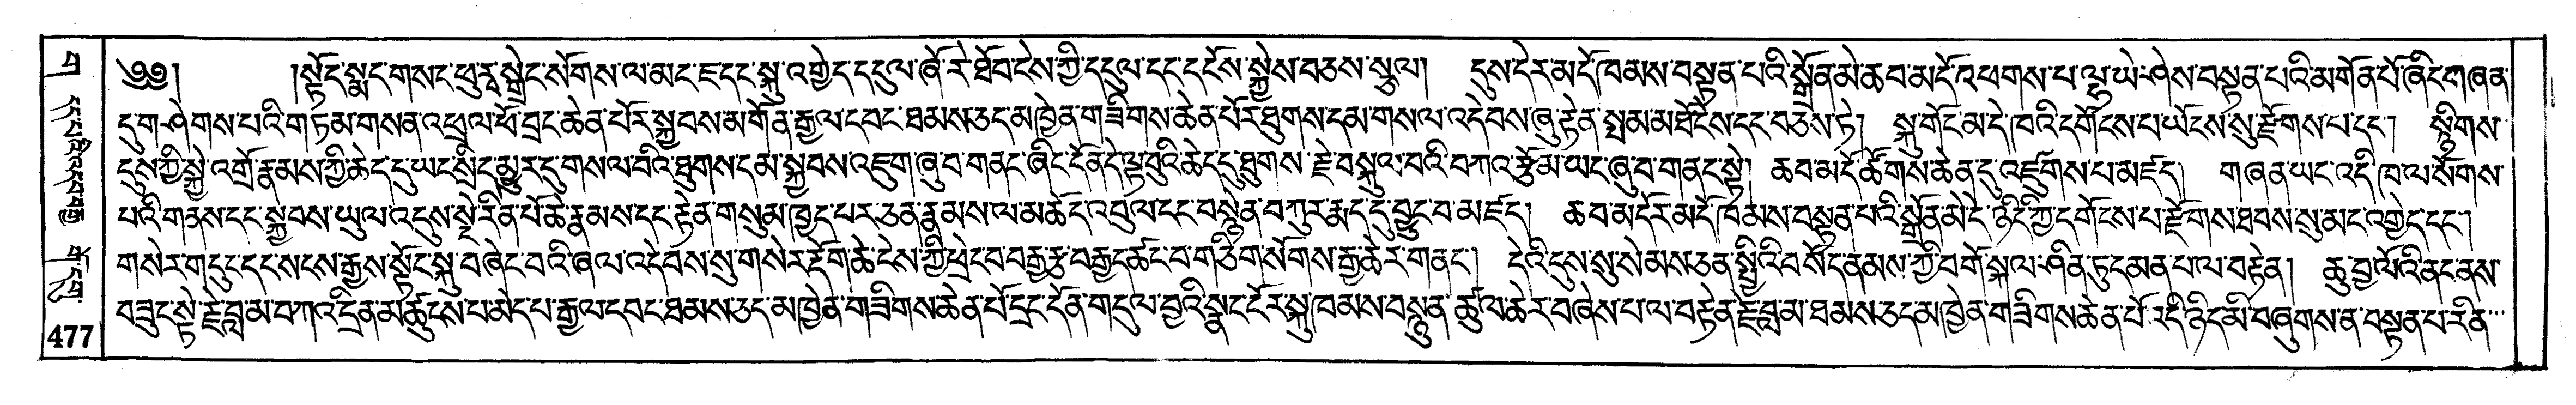༄༅། །སྟོད་སྨད་གསང་ཕུ་རྭ་སྒྲེང་སོགས་ལ་མང་ཇ་དང་སྐུ་འགྱེད་དངུལ་ཞོ་རེ་ཐོབ་ངེས་ཀྱི་དངུལ་དང་དངོས་སྐྱེས་བཅས་སྩལ། དུས་དེར་མདོ་ཁམས་བསྟན་པའི་སྒྲོན་མེ་ཆབ་མདོ་འཕགས་པ་ལྷ་ཡེ་ཤེས་བསྟན་པའི་མགོན་པོ་ཞིང་གཞན་
དུ་གཤེགས་པའི་གཏམ་གསན་འཕྲལ་ཕོ་བྲང་ཆེན་པོར་སྐྱབས་མགོན་རྒྱལ་དབང་ཐམས་ཅད་མཁྱེན་གཟིགས་ཆེན་པོར་ཐུགས་དམ་གསལ་འདེབས་ཞུ་རྟེན་སྤམ་མཐོ་ངེས་དང་བཅས་ཏེ། སྐུ་གོང་མ་དེ་ཁའི་དགོངས་བ་ཡོངས་སུ་རྫོགས་པ་དང་། སྙིགས་
དུས་ཀྱི་སྐྱེ་འགྲོ་རྣམས་ཀྱི་ཆེད་དུ་ཡང་སྲིད་མྱུར་དུ་གསལ་བའི་ཐུགས་དམ་སྐྱབས་འཇུག་ཞུ་བ་གནང་ཞིང་དོན་དེ་ལྟ་བུའི་ཆེད་དུ་ཐུགས་རྗེ་བསྐུལ་བའི་བཀའ་རྩོམ་ཡང་ཞུ་བ་གནང་སྟེ། ཆབ་མདོ་ཚོགས་ཆེན་དུ་འཛུགས་པ་མཛད། གཞན་ཡང་འདི་ཁ་ལ་སོགས་
པའི་གནས་དང་སྐྱབས་ཡུལ་འདུས་སྡེ་རིན་པོ་ཆེ་རྣམས་དང་རྟེན་གསུམ་ཁྱད་པར་ཅན་རྣམས་ལ་མཆོད་འབུལ་དང་བསྙེན་བཀུར་རྨད་དུ་བྱུང་བ་མཛད། ཆབ་མདོར་མདོ་ཁམས་བསྟན་པའི་སྒྲོན་མེ་དེ་ཉིད་ཀྱི་དགོངས་པ་རྫོགས་ཐབས་སུ་མང་འགྱེད་དང་།
གསེར་གདུང་དང་སངས་རྒྱས་སྟོང་སྐུ་བཞེང་བའི་ཞལ་འདེབས་སུ་གསེར་རྡོག་ཆེ་ངེས་ཀྱི་ཕྲེང་བ་བརྒྱ་རྩ་བརྒྱད་ཚང་བ་གཅིག་སོགས་རྒྱ་ཆེར་གནང་། དེའི་དུས་སུ་སེམས་ཅན་སྤྱིའི་བསོད་ནམས་ཀྱི་བགོ་སྐལ་ཤིན་ཏུ་དམན་པ་ལ་བརྟེན། ཆུ་བྱ་ལོའི་ནང་ནས་
བཟུང་སྟེ་རྗེ་བླ་མ་བཀའ་དྲིན་མཚུངས་པ་མེད་པ་རྒྱལ་དབང་ཐམས་ཅད་མཁྱེན་གཟིགས་ཆེན་པོ་དྲང་དོན་གདུལ་བྱའི་སྣང་ངོར་སྐུ་ཁམས་བསྙུན་ཚུལ་ཆེར་བཞེས་བ་ལ་བརྟེན་རྗེ་བླ་མ་ཐམས་ཅད་མཁྱེན་གཟིགས་ཆེན་པོ་འདི་ཉིད་མི་བཞུགས་ན་བསྟན་པ་རིན་